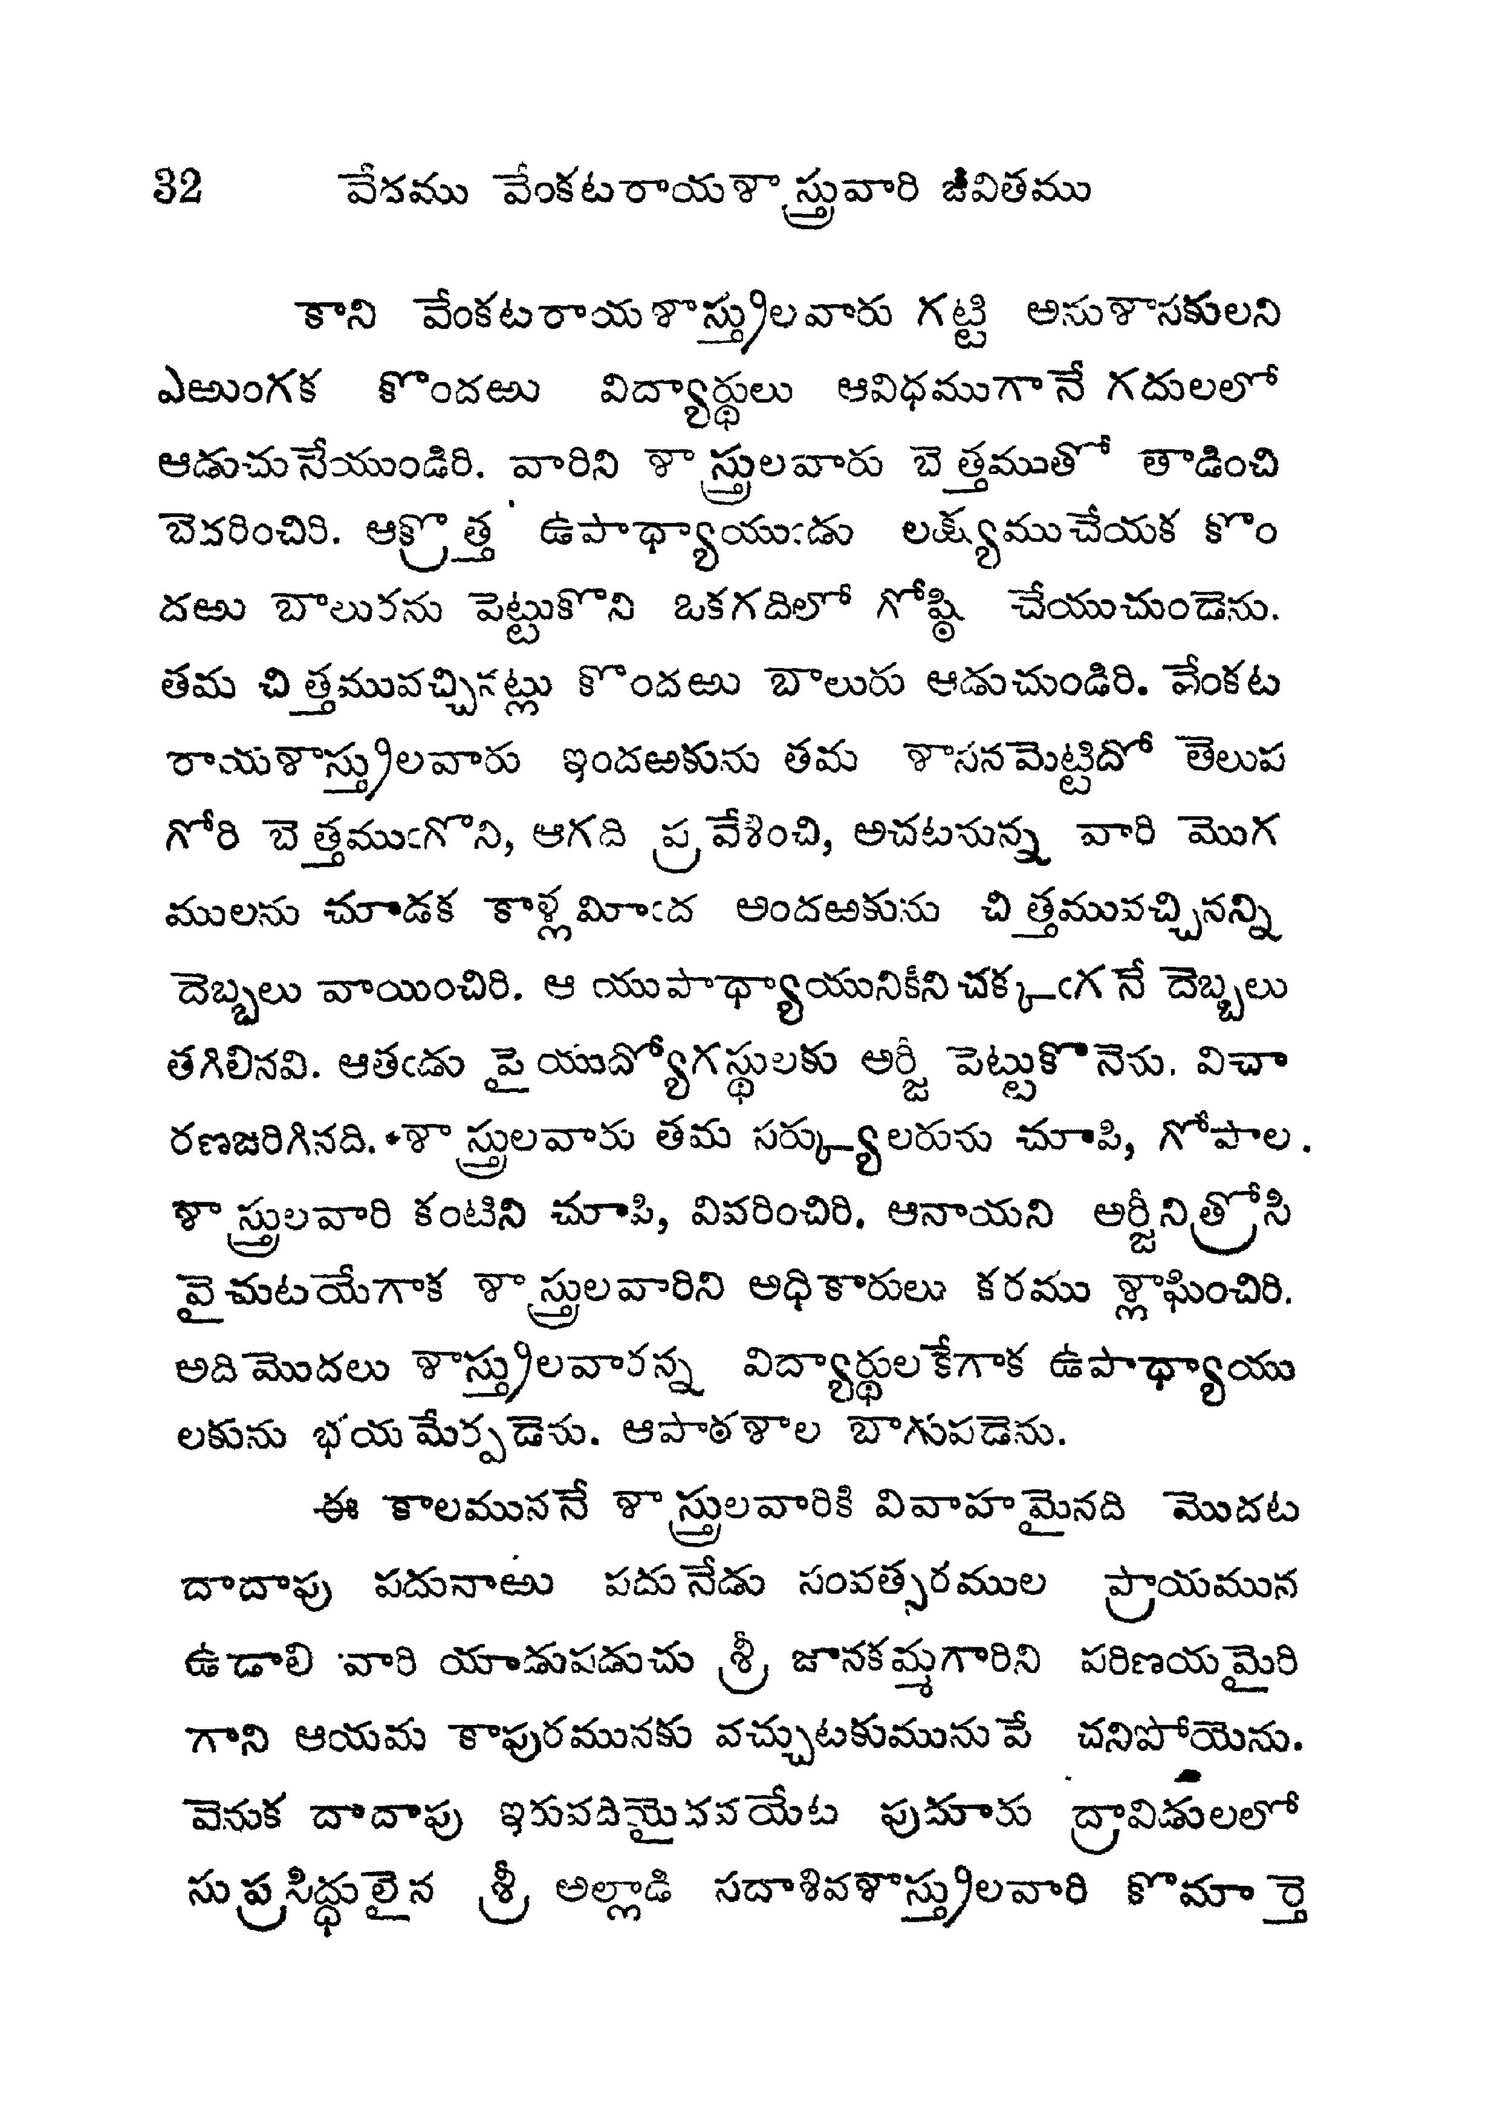కాని వేంకటరాయశాస్త్రులవారు గట్టి అనుశాసకులని ఎఱుంగక కొందఱు విద్యార్థులు ఆవిధముగానే గదులలో ఆడుచునేయుండిరి. వారిని శాస్త్రులవారు బెత్తముతో తాడించి బెదరించిరి. ఆక్రొత్త ఉపాధ్యాయుడు లక్ష్యముచేయక కొందఱు బాలురను పెట్టుకొని ఒకగదిలో గోష్ఠి చేయుచుండెను. తమ చిత్తమువచ్చినట్లు కొందఱు బాలురు ఆడుచుండిరి. వేంకటరాయశాస్త్రులవారు ఇందఱకును తమ శాసనమెట్టిదో తెలుపగోరి బెత్తముగొని, ఆగది ప్రవేశించి, అచటనున్న వారి మొగములను చూడక కాళ్లమీద అందఱకును చిత్తమువచ్చినన్ని దెబ్బలు వాయించిరి. ఆ యుపాథ్యాయునికిని చక్కగనే దెబ్బలు తగిలినవి. ఆతడు పై యుద్యోగస్థులకు అర్జీ పెట్టుకొనెను. విచారణజరిగినది. శాస్త్రులవారు తమ సర్క్యులరును చూపి, గోపాలశాస్త్రులవారి కంటిని చూపి, వివరించిరి. ఆనాయని అర్జీనిత్రోసి వైచుటయేగాక శాస్త్రులవారిని అధికారులు కరము శ్లాఘించిరి. అదిమొదలు శాస్త్రులవారన్న విద్యార్థులకేగాక ఉపాథ్యాయులకును భయమేర్పడెను. ఆపాఠశాల బాగుపడెను.

ఈ కాలముననే శాస్త్రులవారికి వివాహమైనది మొదట దాదాపు పదునాఱు పదునేడు సంవత్సరముల ప్రాయమున ఉడాలి వారి యాడుపడుచు శ్రీ జానకమ్మగారిని పరిణయమైరి గాని ఆయమ కాపురమునకు వచ్చుటకుమునుపే చనిపోయెను. వెనుక దాదాపు ఇరువదియైదవయేట పుదూరు ద్రావిడులలో సుప్రసిద్ధులైన శ్రీ అల్లాడి సదాశివశాస్త్రులవారి కొమార్తె